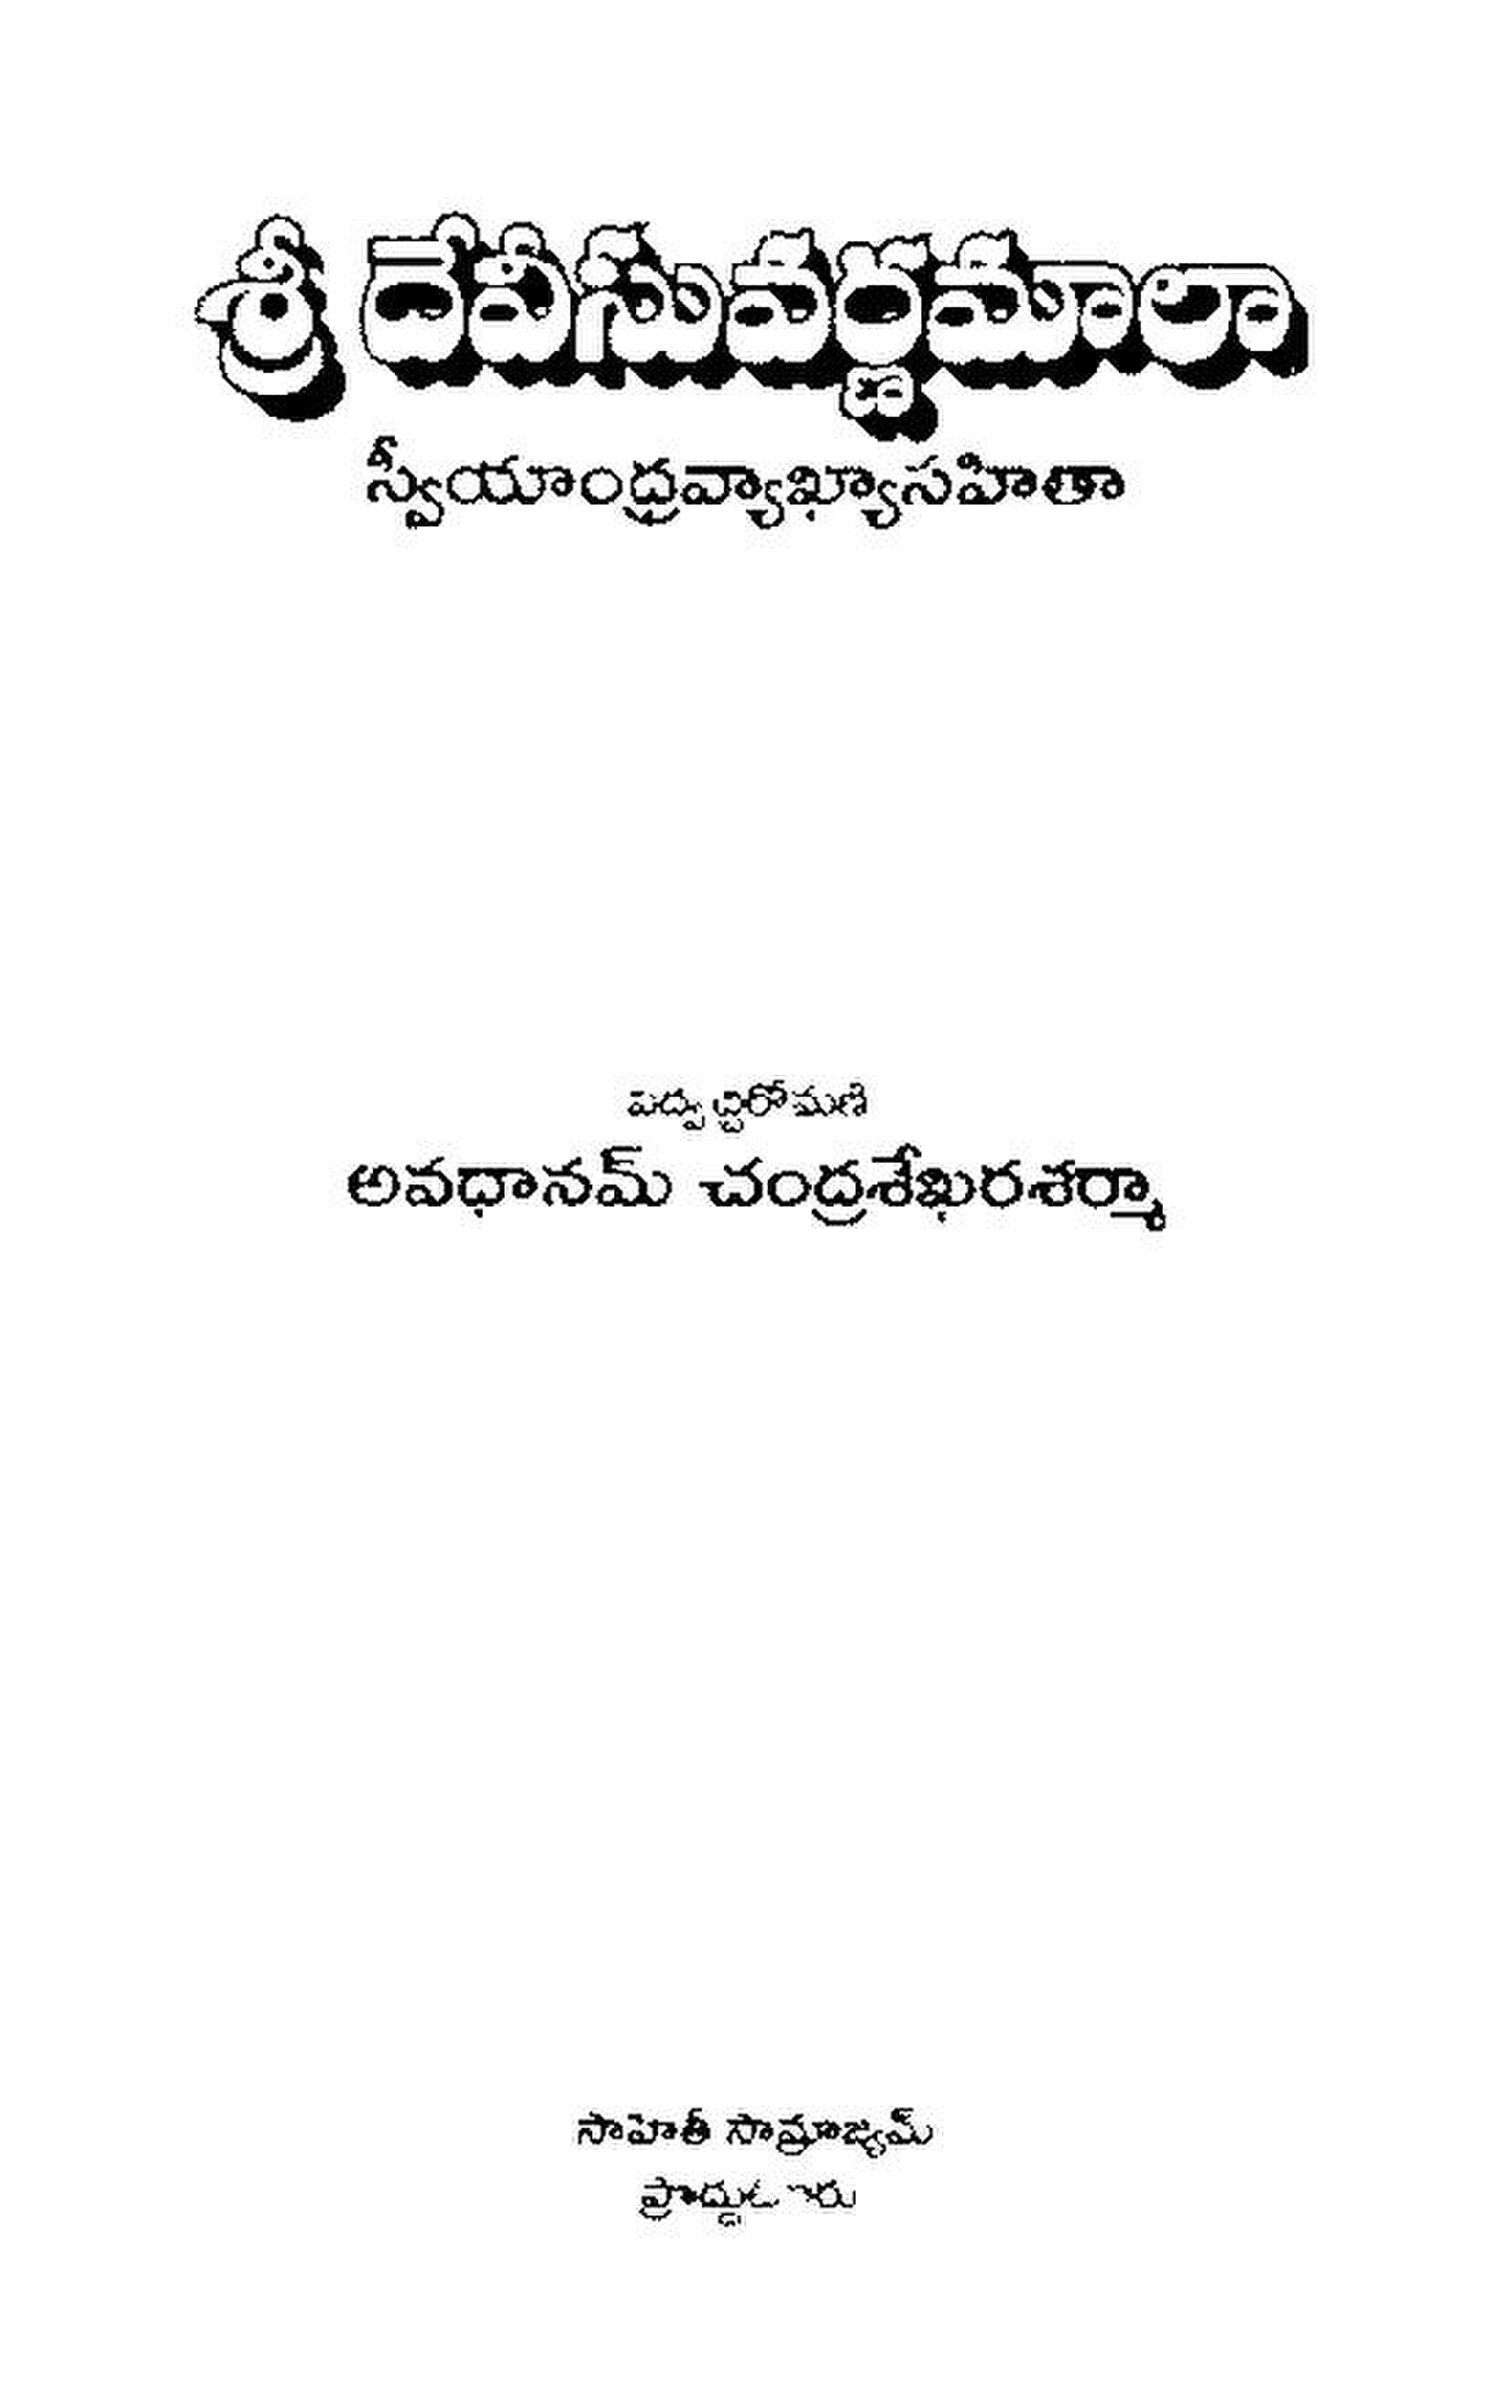శ్రీ దేవీసువర్ణమాలా

స్వీయాంధ్రవ్యాఖ్యాసహితా

విద్వచ్చిరోమణి

అవధానమ్ చంద్రశేఖరశర్మా

సాహితీ సామ్రాజ్యమ్

ప్రొద్దుటూరు